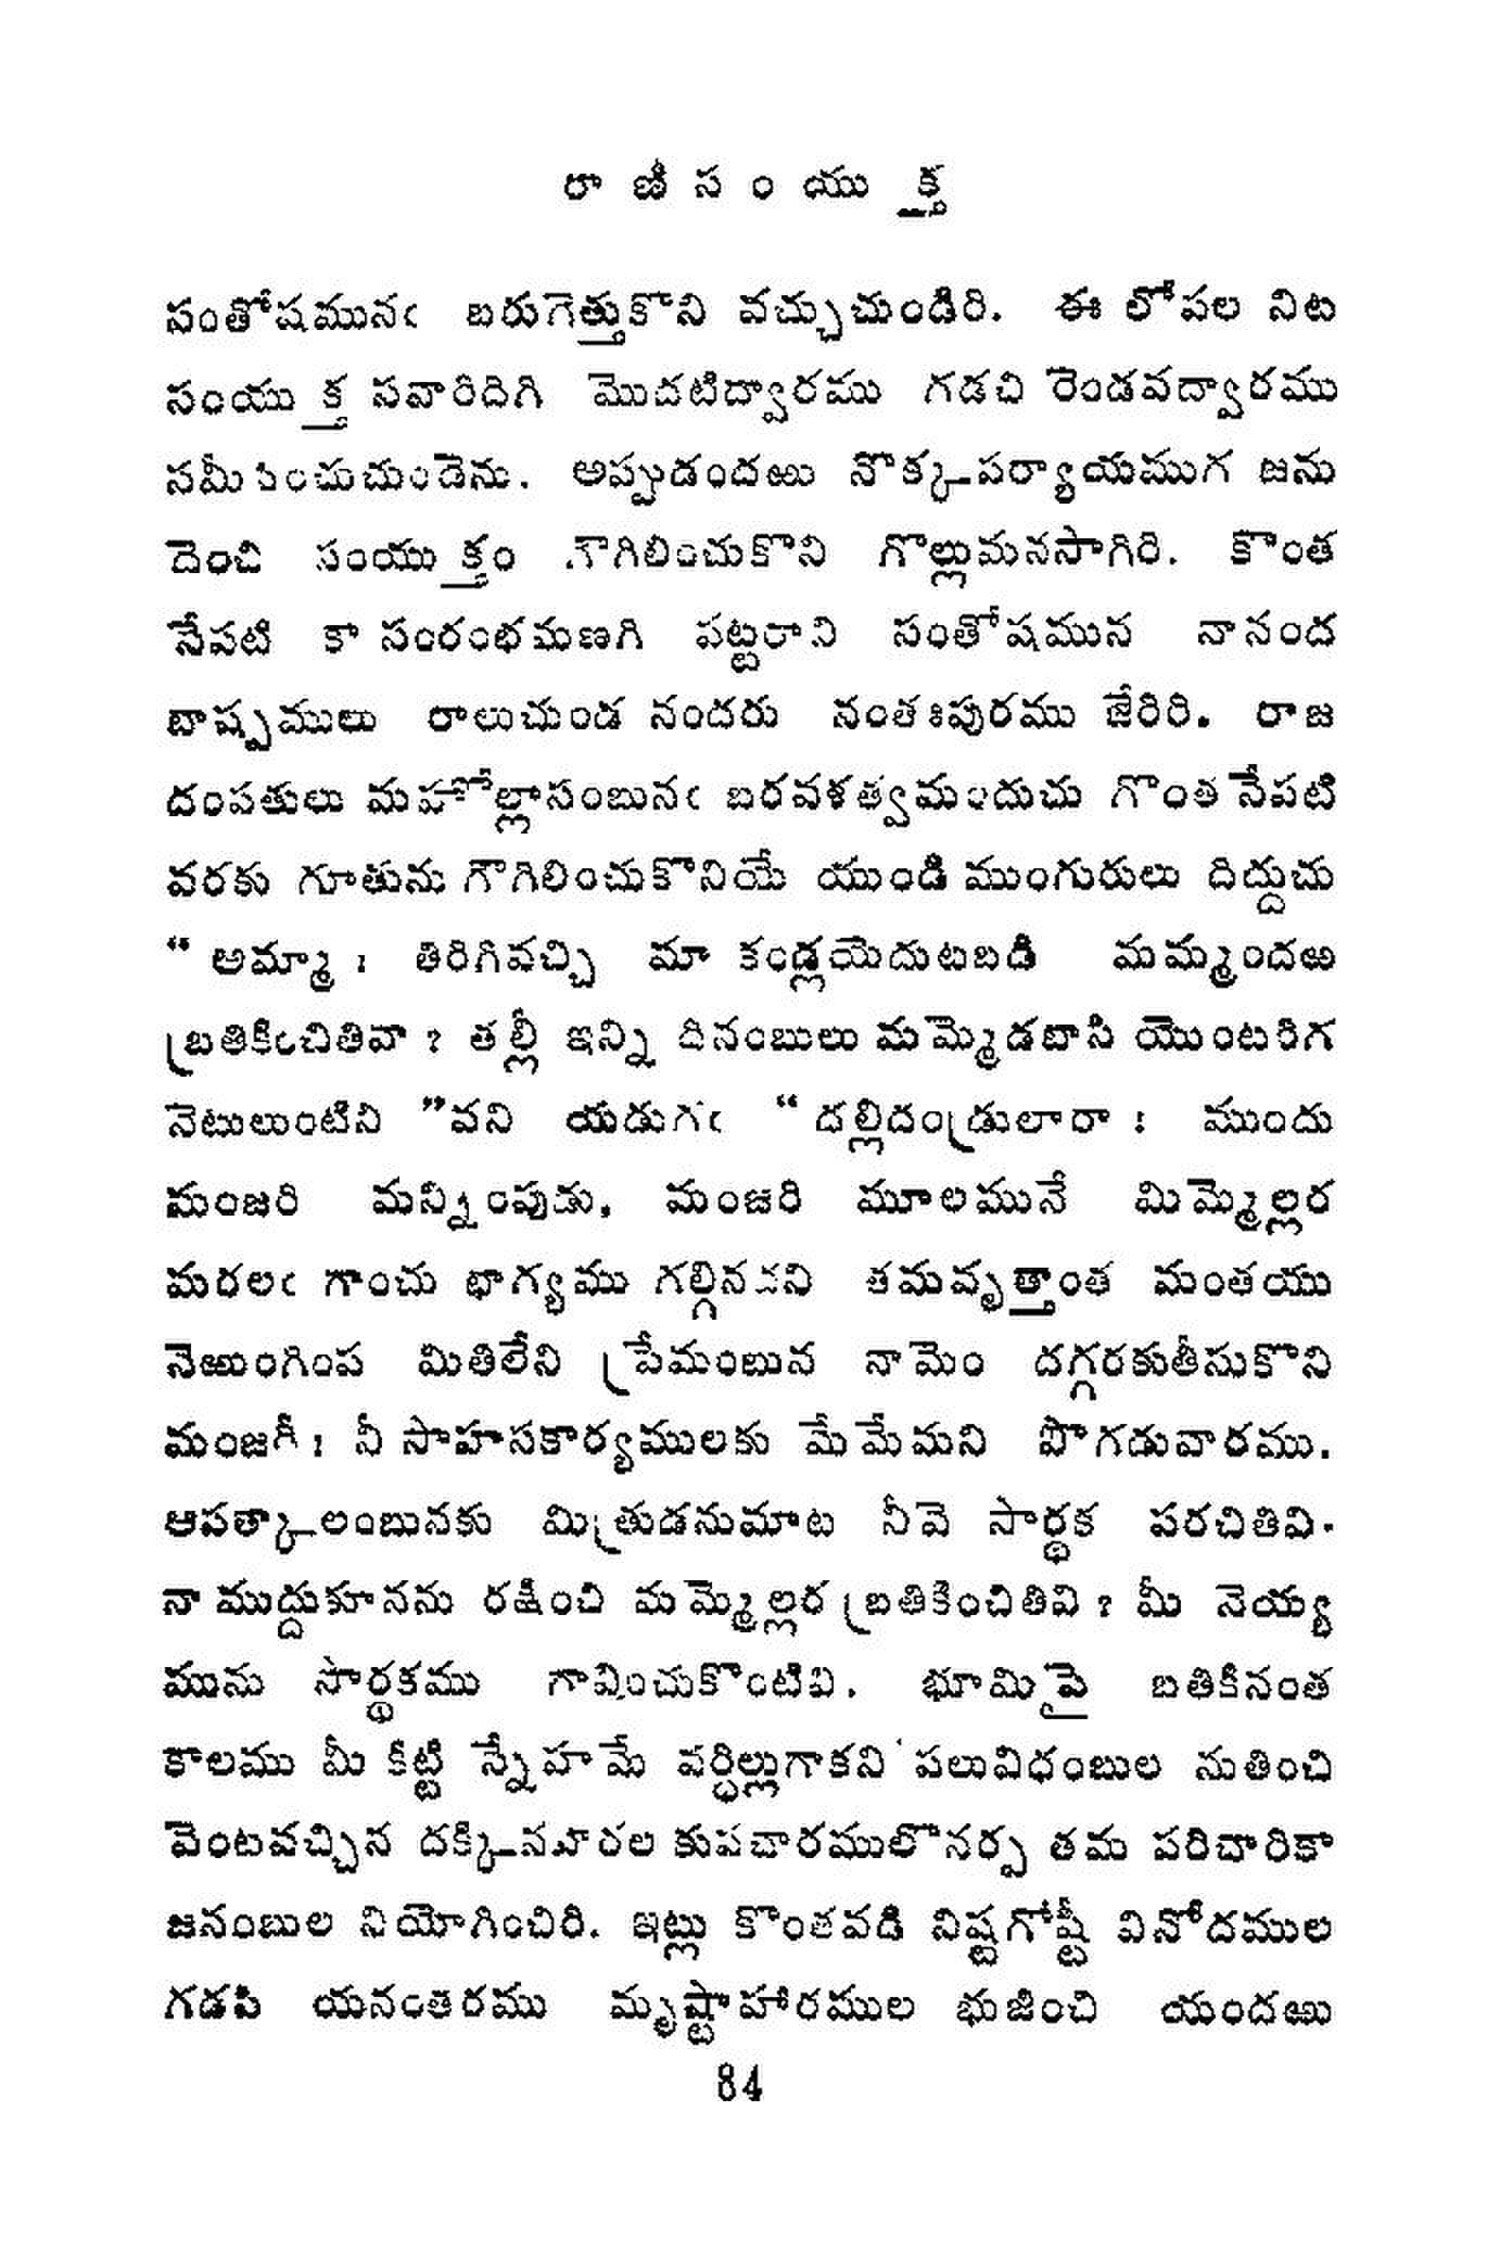సంతోషమునఁ బరుగెత్తుకొని వచ్చుచుండిరి. ఈ లోపల నిట సంయుక్త సవారిదిగి మొదటిద్వారము గడచి రెండవద్వారము సమీపించుచుండెను. అప్పుడందఱు నొక్క పర్యాయముగ జనుదెంచి సంయుక్తం కౌగిలించుకొని గొల్లుమనసాగిరి. కొంతసేపటి కా సంరంభమణగి పట్టరాని సంతోషమున నానంద బాష్పములు రాలుచుండ నందరు నంతఃపురము జేరిరి. రాజ దంపతులు మహోల్లాసంబునఁ బరవశత్వమందుచు గొంతసేపటి వరకు గూతును గౌగిలించుకొనియే యుండి ముంగురులు దిద్దుచు " అమ్మా | తిరిగివచ్చి మా కండ్లయెదుటబడి మమ్మందఱ బ్రతికించితివా? తల్లీ ఇన్ని దినంబులు మమ్మెడబాసి యొంటరిగ నెటులుంటివి"వని యడుగ "దల్లిదండ్రులారా ! ముందు మంజరి మన్నింపుడు. మంజరి మూలమునే మిమ్మెల్లర మరలఁ గాంచు భాగ్యము గల్గినదని తమవృత్తాంత మంతయు నెఱుంగింప మితిలేని ప్రేమంబున నామెం దగ్గరకుతీసుకొని మంజరీ! నీ సాహసకార్యములకు మేమేమని పొగడువారము. ఆపత్కాలంబునకు మిత్రుడనుమాట నీవె సార్థక పరచితివి . నా ముద్దుకూనను రక్షించి మమ్మెల్లర బ్రతికించితివి ! మీ నెయ్యమును సార్థకము గావించుకొంటివి. భూమిపై బతికినంతకాలము మీ కట్టి స్నేహమే వర్ధిల్లుగాకని పలువిధంబుల నుతించి వెంటవచ్చిన దక్కినవారల కుపచారములొనర్ప తమ పరిచారికా జనంబుల నియోగించిరి. ఇట్లు కొంతవడి నిష్టగోష్ఠీ వినోదముల గడపి యనంతరము మృష్టాహారముల భుజించి యందఱు